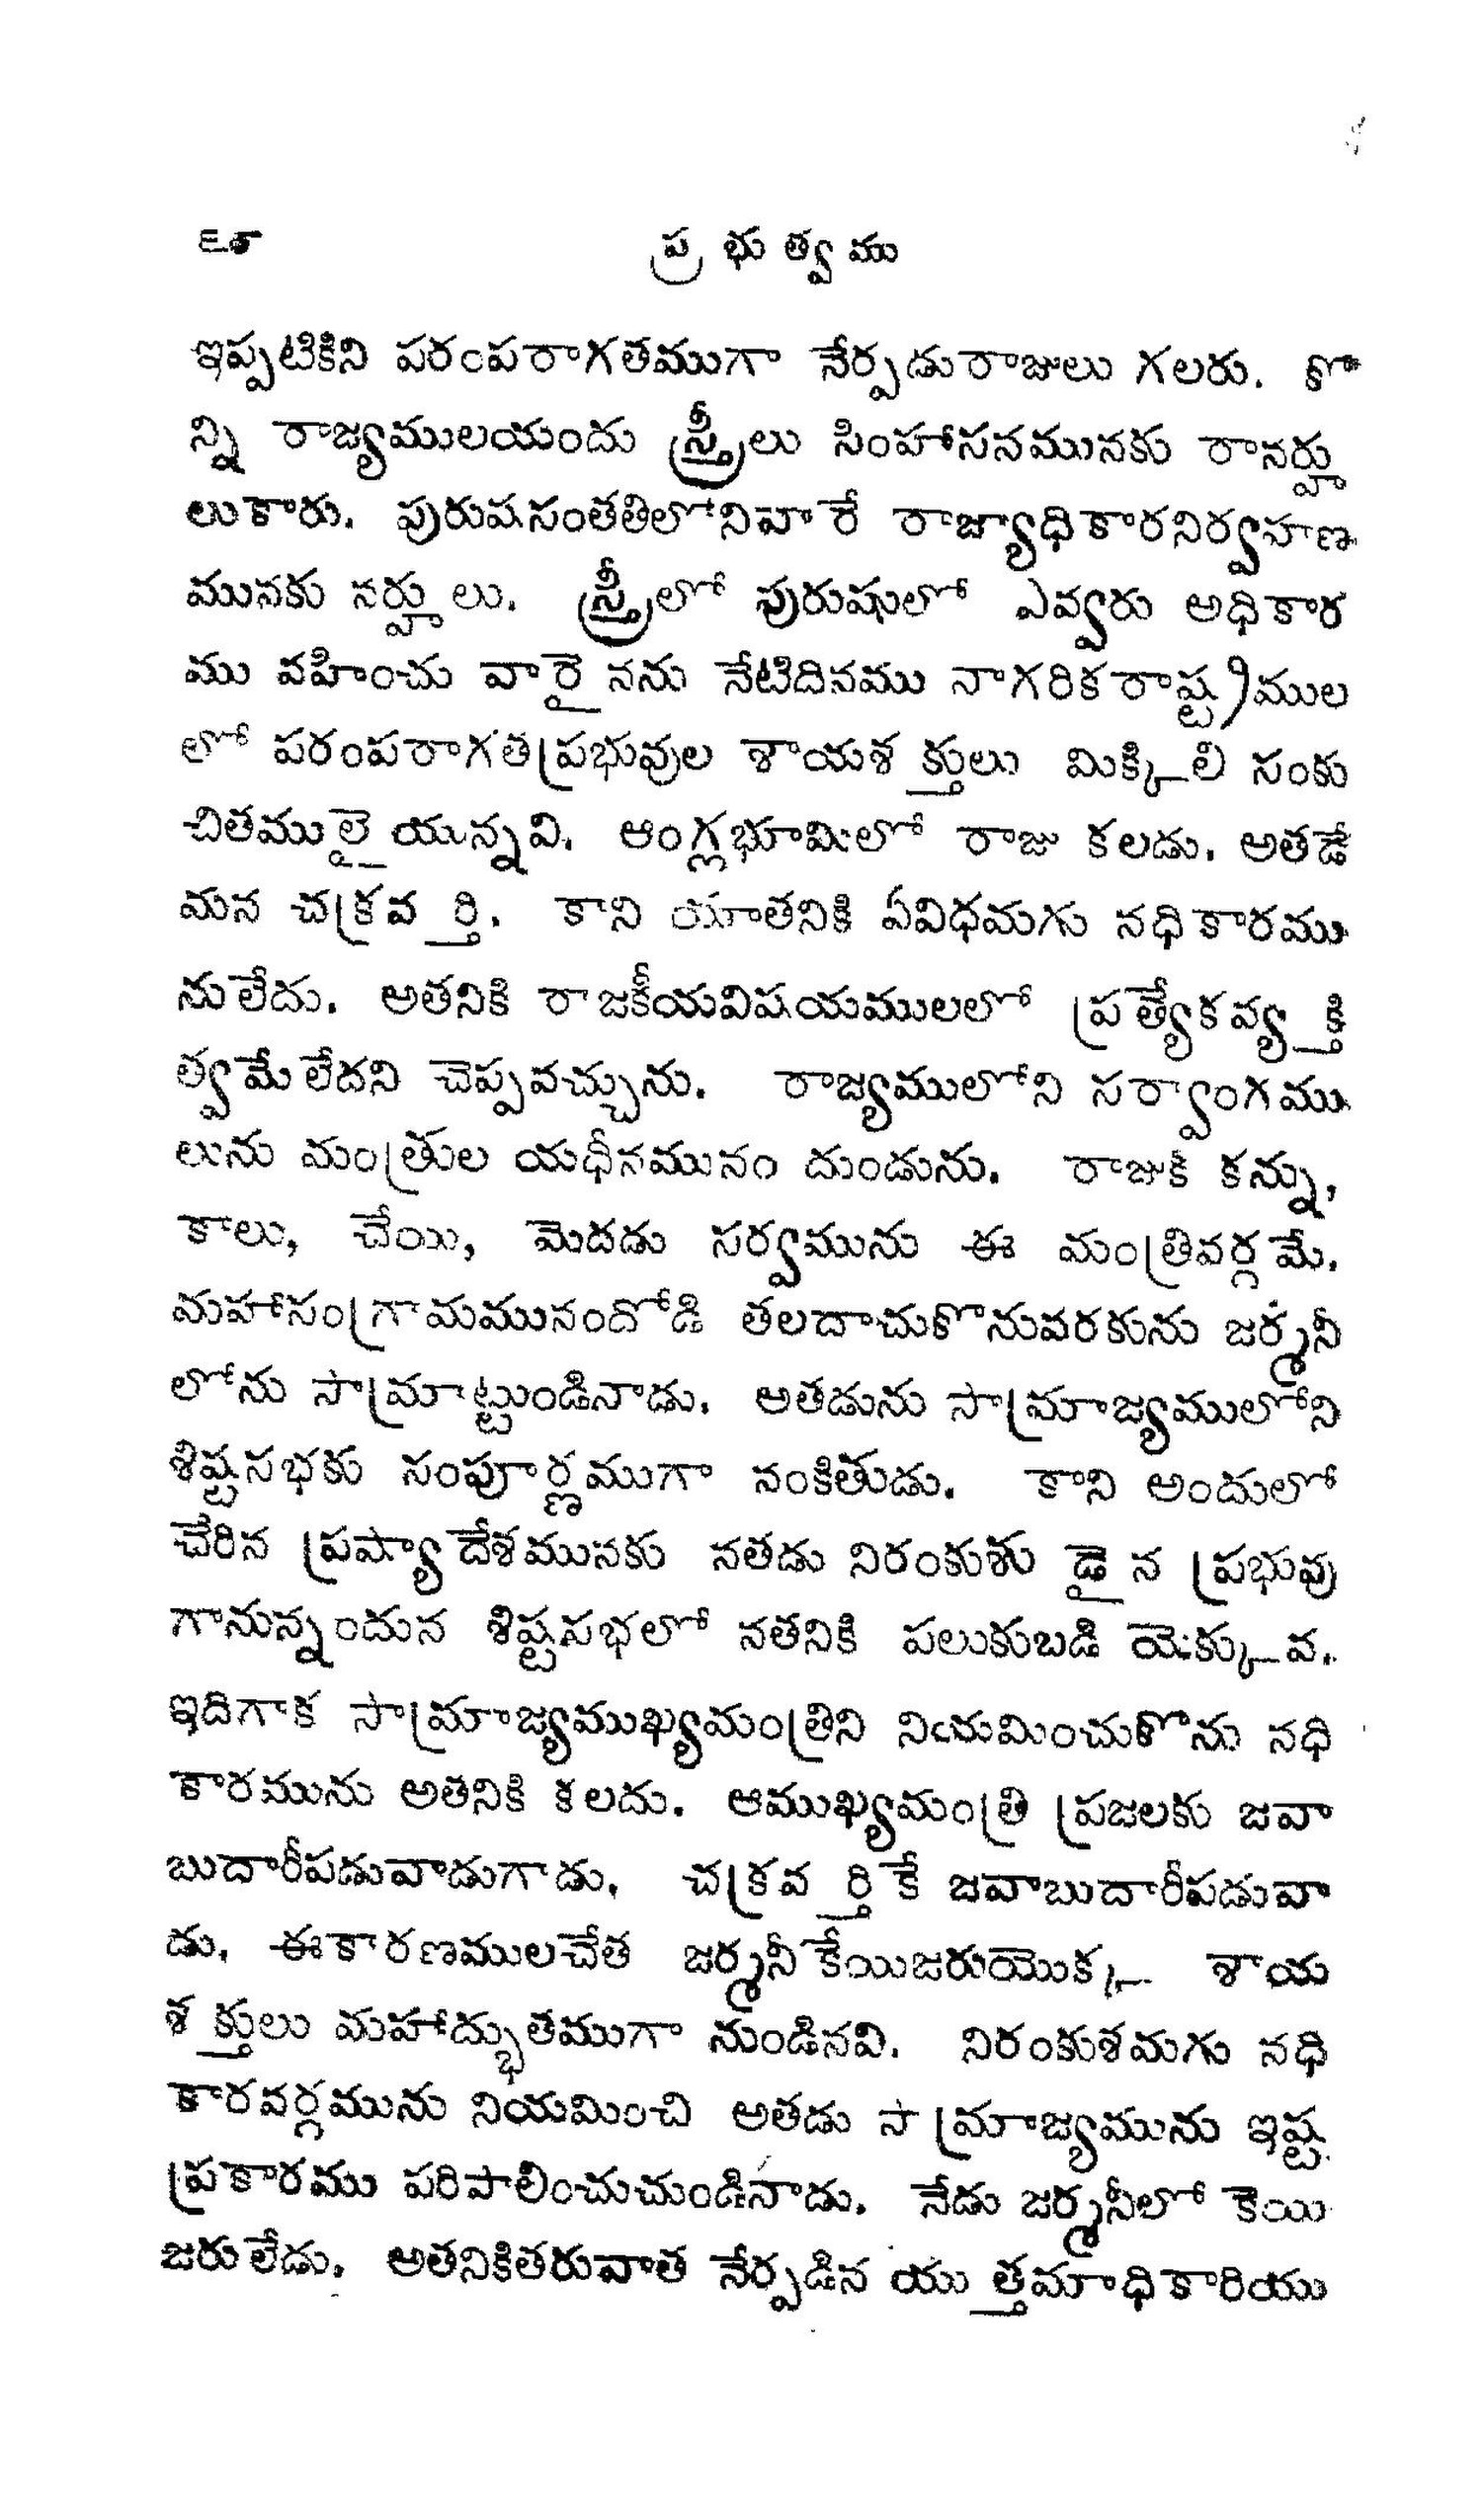ఇప్పటికిని పరంపరాగతముగా నేర్పడురాజులు గలరు. కొన్ని రాజ్యములయందు స్త్రీలు సింహాసనమునకు రానర్హులుకారు. పురుషసంతతిలోనివారే రాజ్యాధికారనిర్వహణమునకు నర్హులు. స్త్రీలో పురుషులో ఎవ్వరు అధికారము వహించు వారై నను నేటిదినము నాగరికరాష్ట్రములలో పరంపరాగతప్రభువుల శాయశక్తులు మిక్కిలి సంకుచితములై యున్నవి. ఆంగ్లభూమిలో రాజు కలడు. అతడే మన చక్రవర్తి. కాని యూతనికి ఏవిధమగు నధికారమునులేదు. అతనికి రాజకీయవిషయము లలో ప్రత్యేకవ్యక్తిత్వమేలేదని చెప్పవచ్చును. రాజ్యములోని సర్వాంగములును మంత్రుల యధీనమునం దుండును. రాజుకి కన్ను, కాలు, చేయి, మెదడు సర్వమును ఈ మంత్రివర్గమే. మహాసంగ్రామము నందోడి తలదాచుకొనువరకును జర్మనీలోను సామ్రాట్టుండినాడు. అతడును సామ్రాజ్యములోని
శిష్టసభకు సంపూర్ణముగా నంకితుడు. కాని అందులో చేరిన ప్రష్యాదేశమునకు నతడు నిరంకుశు డైన ప్రభువుగానున్నందున శిష్టసభలో నతనికి పలుకుబడి యెక్కువ. ఇదిగాక సామ్రాజ్యముఖ్య మంత్రిని నియమించుకొను నధికారమును అతనికి కలదు. ఆముఖ్యమంత్రి ప్రజలకు జవాబుదారీ పడువాడుగాడు, చక్రవర్తికే జవాబుదారీపడువాడు. ఈకారణములచేత జర్మనీ కేయిజరుయొక్క శాయశక్తులు మహాద్భుతముగా నుండినవి. నిరంకుశమగు నధికారవర్గమును నియమించి అతడు సామ్రాజ్యమును ఇష్ట ప్రకారము పరిపాలించుచుండినాడు. నేడు జర్మనీలో కెయిజరులేడు. అతనికి తరువాత నేర్పడిన యుత్తమాధికారియు